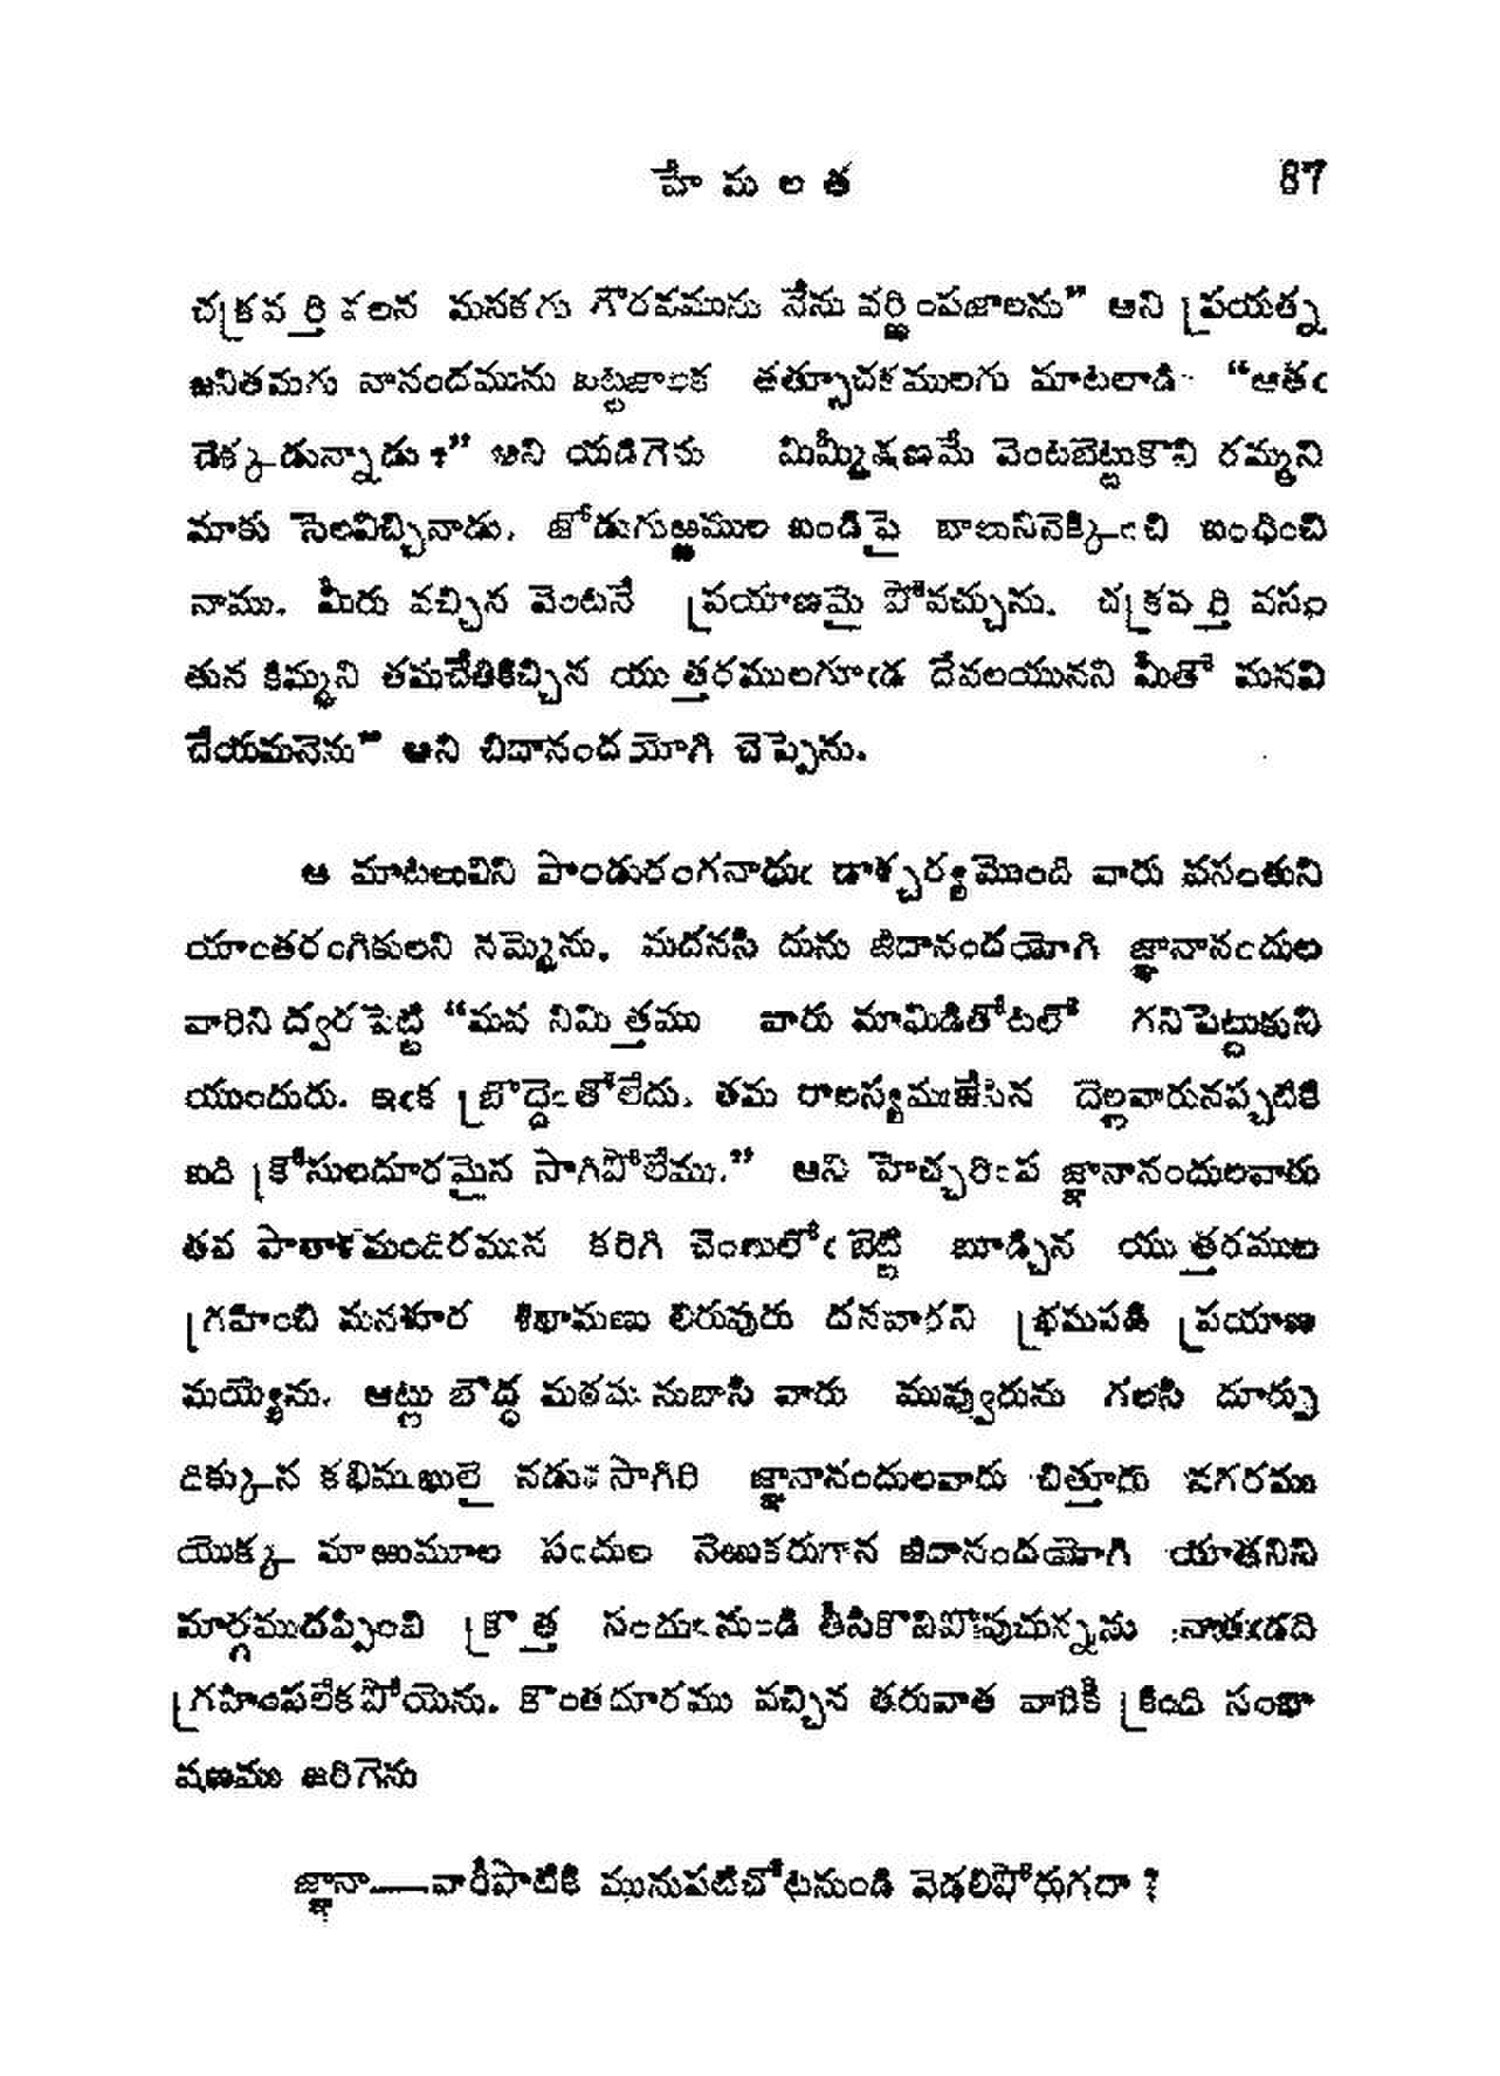చక్రవర్తివలన మనకగు గౌరవమును నేను వర్ణింపజాలను” అని ప్రయత్నజనితమగు నానందమును బట్టజాలక తత్సూచకములగు మాటలాడి “ఆతఁడెక్కడున్నాడు?” అని యడిగెను. మిమ్మీక్షణమే వెంటబెట్టుకొని రమ్మని మాకు సెలవిచ్చినాడు. జోడుగుఱ్ఱముల బండిపై బాలునెక్కించి బంధించినాము. మీరు వచ్చిన వెంటనే ప్రయాణమైపోవచ్చును. చక్రవర్తి వసంతున కిమ్మని తమచేతికిచ్చిన యుత్తరముల గూఁడ దేవలయునని మీతో మనవి చేయమనెను” అని చిదానందయోగి చెప్పెను.

ఆ మాటలువిని పాండురంగనాధుఁ డాశ్చర్యమొంది వారు వసంతుని యాంతరంగికులని నమ్మెను. మదనసింగును చిదానందయోగి జ్ఞానానందుల వారిని ద్వర పెట్టి “మన నిమిత్తము వారు మామిడితోటలో గనిపెట్టుకుని యుందురు. ఇఁక బ్రొద్దెంతోలేదు. తమ రాలస్యముజేసిన దెల్లవారునప్పటికి బది క్రోసుల దూరమైన సాగిపోలేము.” అని హెచ్చరింప జ్ఞానానందులవారు తన పాతాళమందిరమున కరిగి చెంబులోఁ బెట్టి బూడ్చిన యుత్తరముల గ్రహించి మనశూర శిఖామణు లిరువురు దనవారని భ్రమపడి ప్రయాణ మయ్యెను. అట్లు బౌద్ధ మఠమునుబాసి వారు మువ్వురును గలసి దూర్పుదిక్కున కభిముఖులై నడువసాగిరి. జ్ఞానానందులవారు చిత్తూరు నగరము యొక్క మాఱుమూల సందుల నెఱుకరుగాన జిదానందయోగి యాతనిని మార్గముదప్పించి క్రొత్త సందులనుండి తీసికొనిపోవుచున్నను నాతడది గ్రహింపలేకపోయెను. కొంతదూరము వచ్చిన తరువాత వారికి క్రింది సంభాషణము జరిగెను.

జ్ఞానా — వారీపాటికి మునుపటిచోటనుండి వెడలిపోరుగదా?